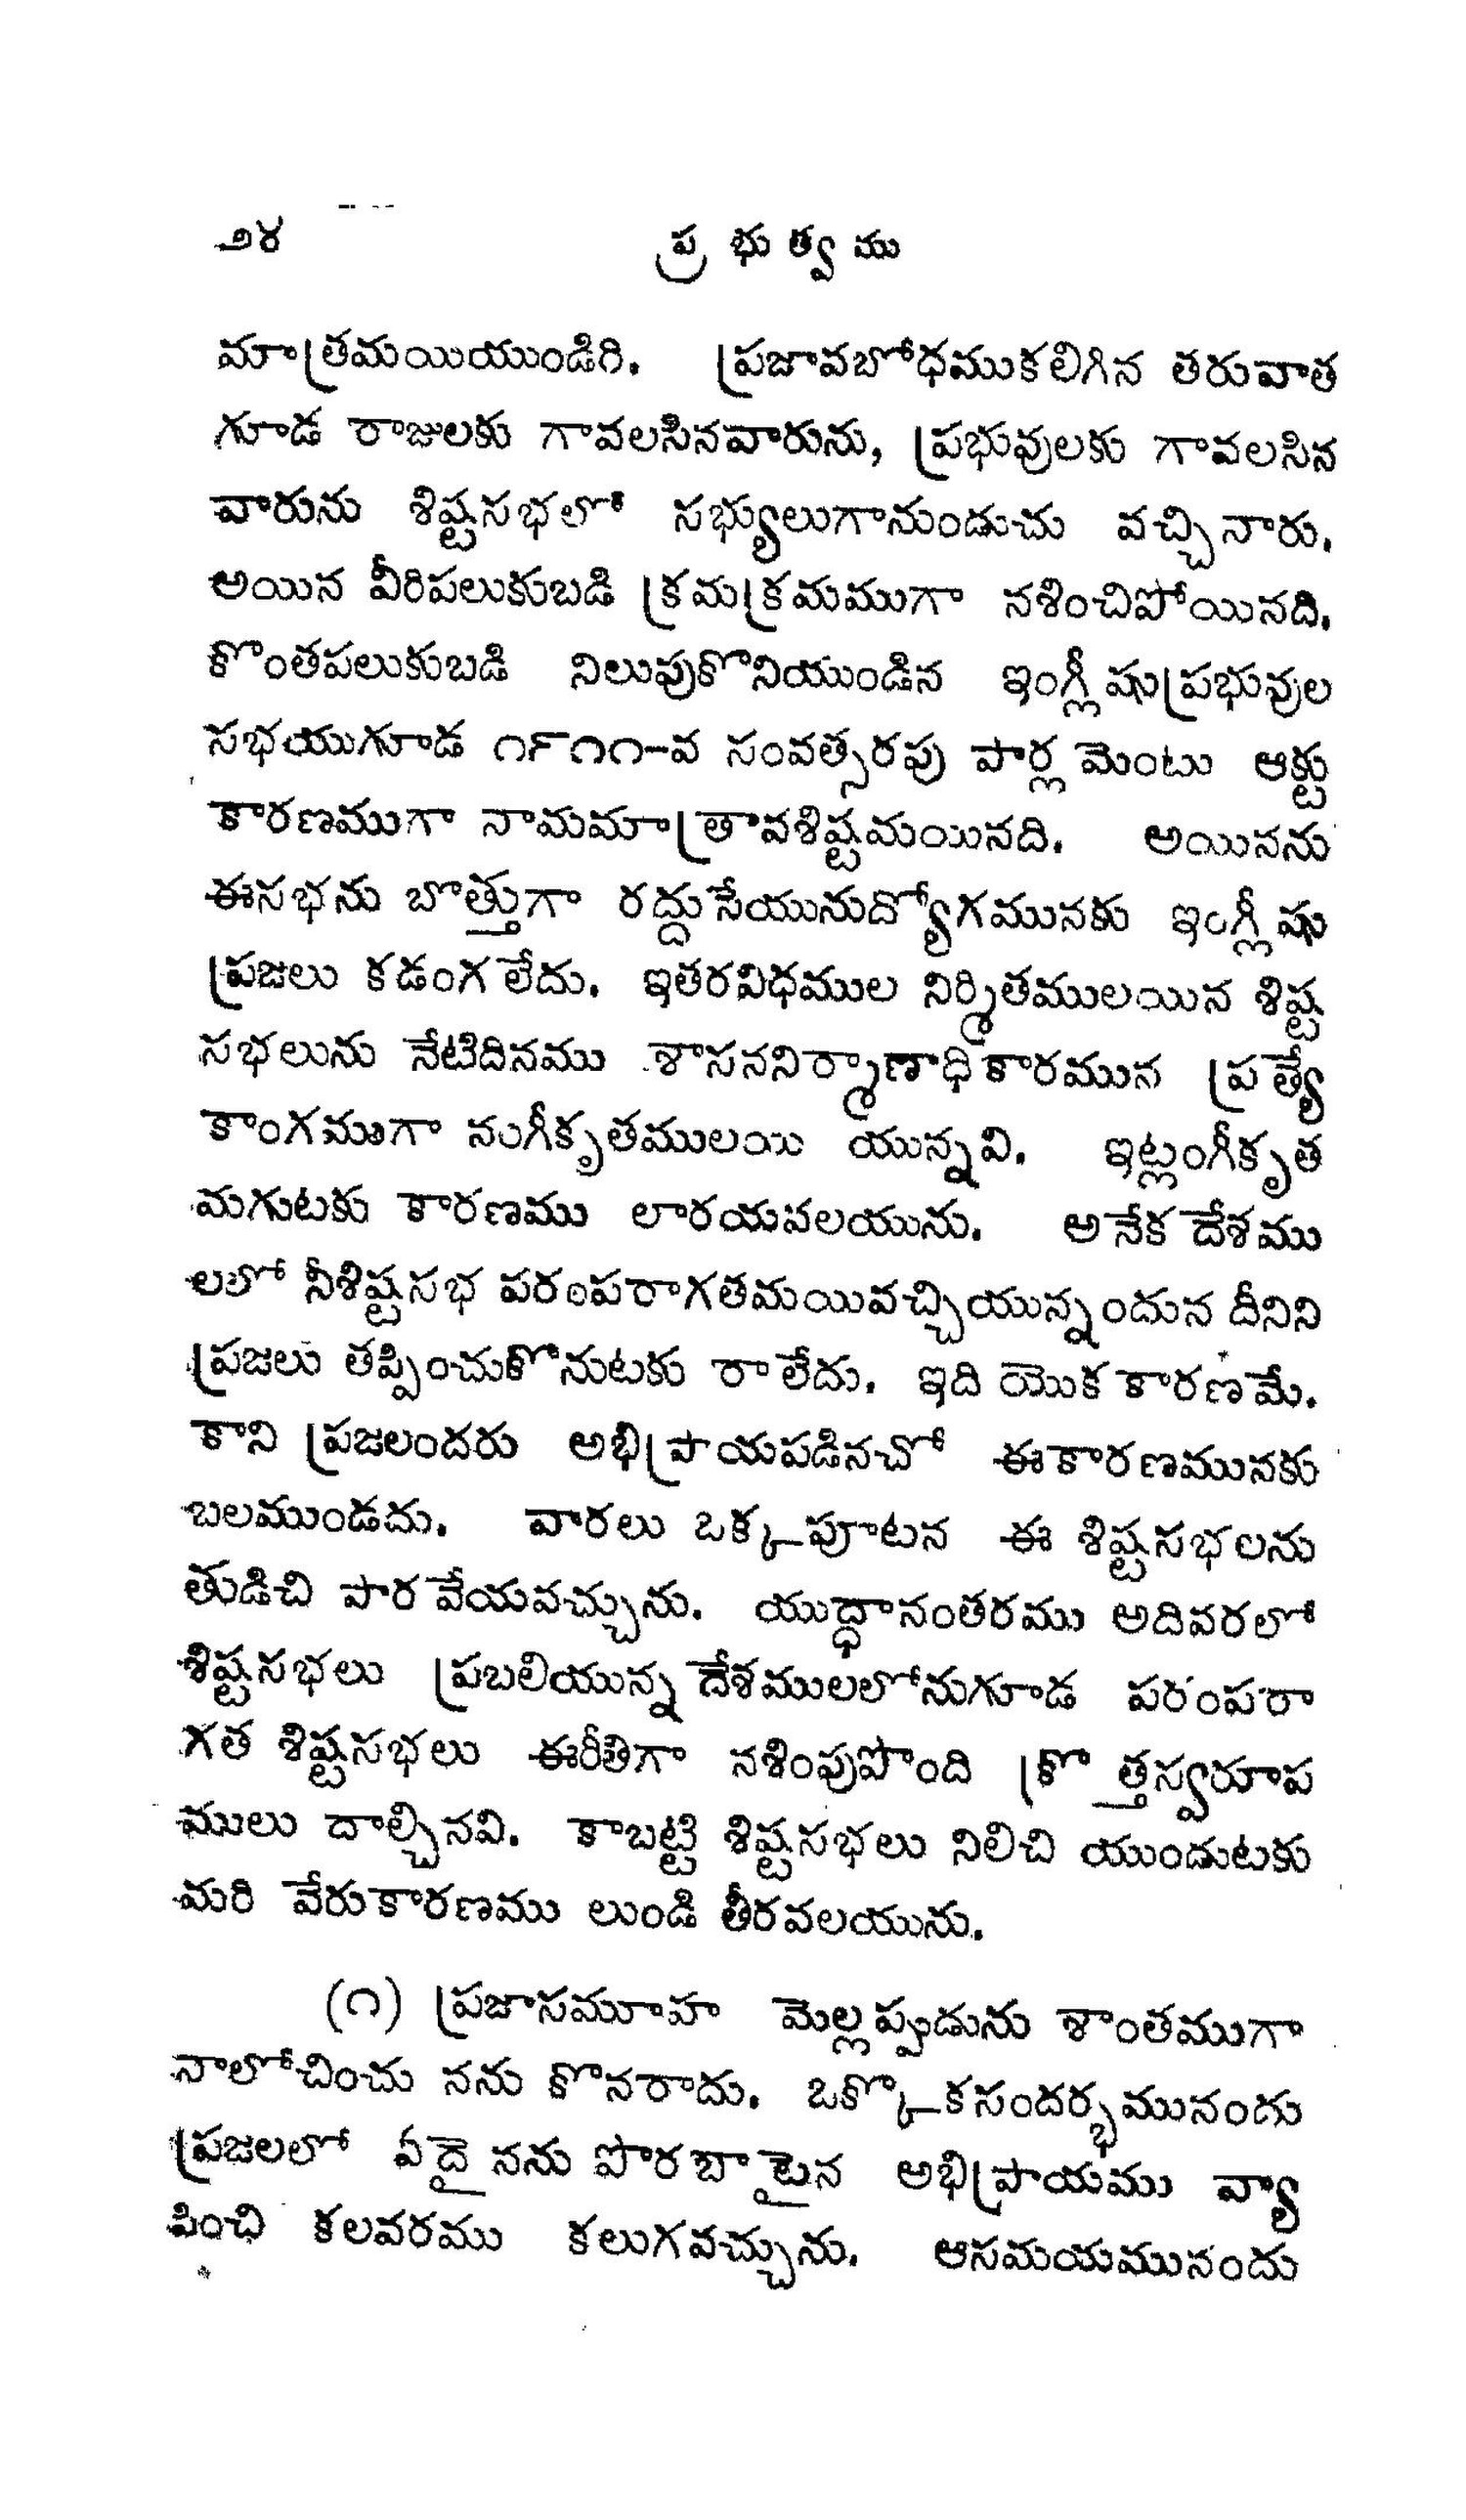మాత్రమయియుండిరి. ప్రజావబోధముకలిగిన తరువాతగూడ రాజులకు గావలసినవారును, ప్రభువులకు గావలసినవారును శిష్టసభలో సభ్యులుగా నుండుచు వచ్చినారు. అయిన వీరిపలుకుబడి క్రమక్రమముగా నశించిపోయినది. కొంతపలుకుబడి నిలుపుకొనియుండిన ఇంగ్లీషు ప్రభువుల సభయుగూడ 1911-వ సంవత్సరపు పార్లమెంటు ఆక్టు కారణముగా నామమాత్రావశిష్ట మయినది. అయినను ఈసభను బొత్తుగా రద్దుసేయునుద్యోగమునకు ఇంగ్లీషుప్రజలు కడంగలేదు. ఇతరవిధముల నిర్మితములయిన శిష్ట సభలును నేటిదినము శాసననిర్మాణాధికారమున ప్రత్యేకాంగముగా నంగీకృతములయి యున్నవి. ఇట్లంగీకృత మగుటకు కారణము లారయవలయును. అనేక దేశములలో నీశిష్టసభ పరంపరాగతమయివచ్చియున్నందున దీనిని ప్రజలు తప్పించుకొనుటకు రాలేదు. ఇది యొక కారణమే. కాని ప్రజలందరు అభిప్రాయపడినచో ఈ కారణమునకు బలముండదు. వారలు ఒక్కపూటన ఈ శిష్టసభలను తుడిచి పారవేయవచ్చును. యుద్ధానంతరము అదివరలో శిష్టసభలు ప్రబలియున్న దేశములలోనుగూడ పరంపరాగత శిష్టసభలు ఈరీతిగా నశింపుపొంది క్రొత్తస్వరూపములు దాల్చినవి. కాబట్టి శిష్టసభలు నిలిచి యుండుటకు మరి వేరుకారణము లుండి తీరవలయును.

(1) ప్రజాసమూహ మెల్లప్పుడును శాంతముగా నాలోచించు నను కొనరాదు. ఒక్కొక సందర్భమునందు
ప్రజలలో ఏదైనను పొరబాటైన అభిప్రాయము వ్యాపించి కలవరము కలుగవచ్చును. ఆసమయమునందు